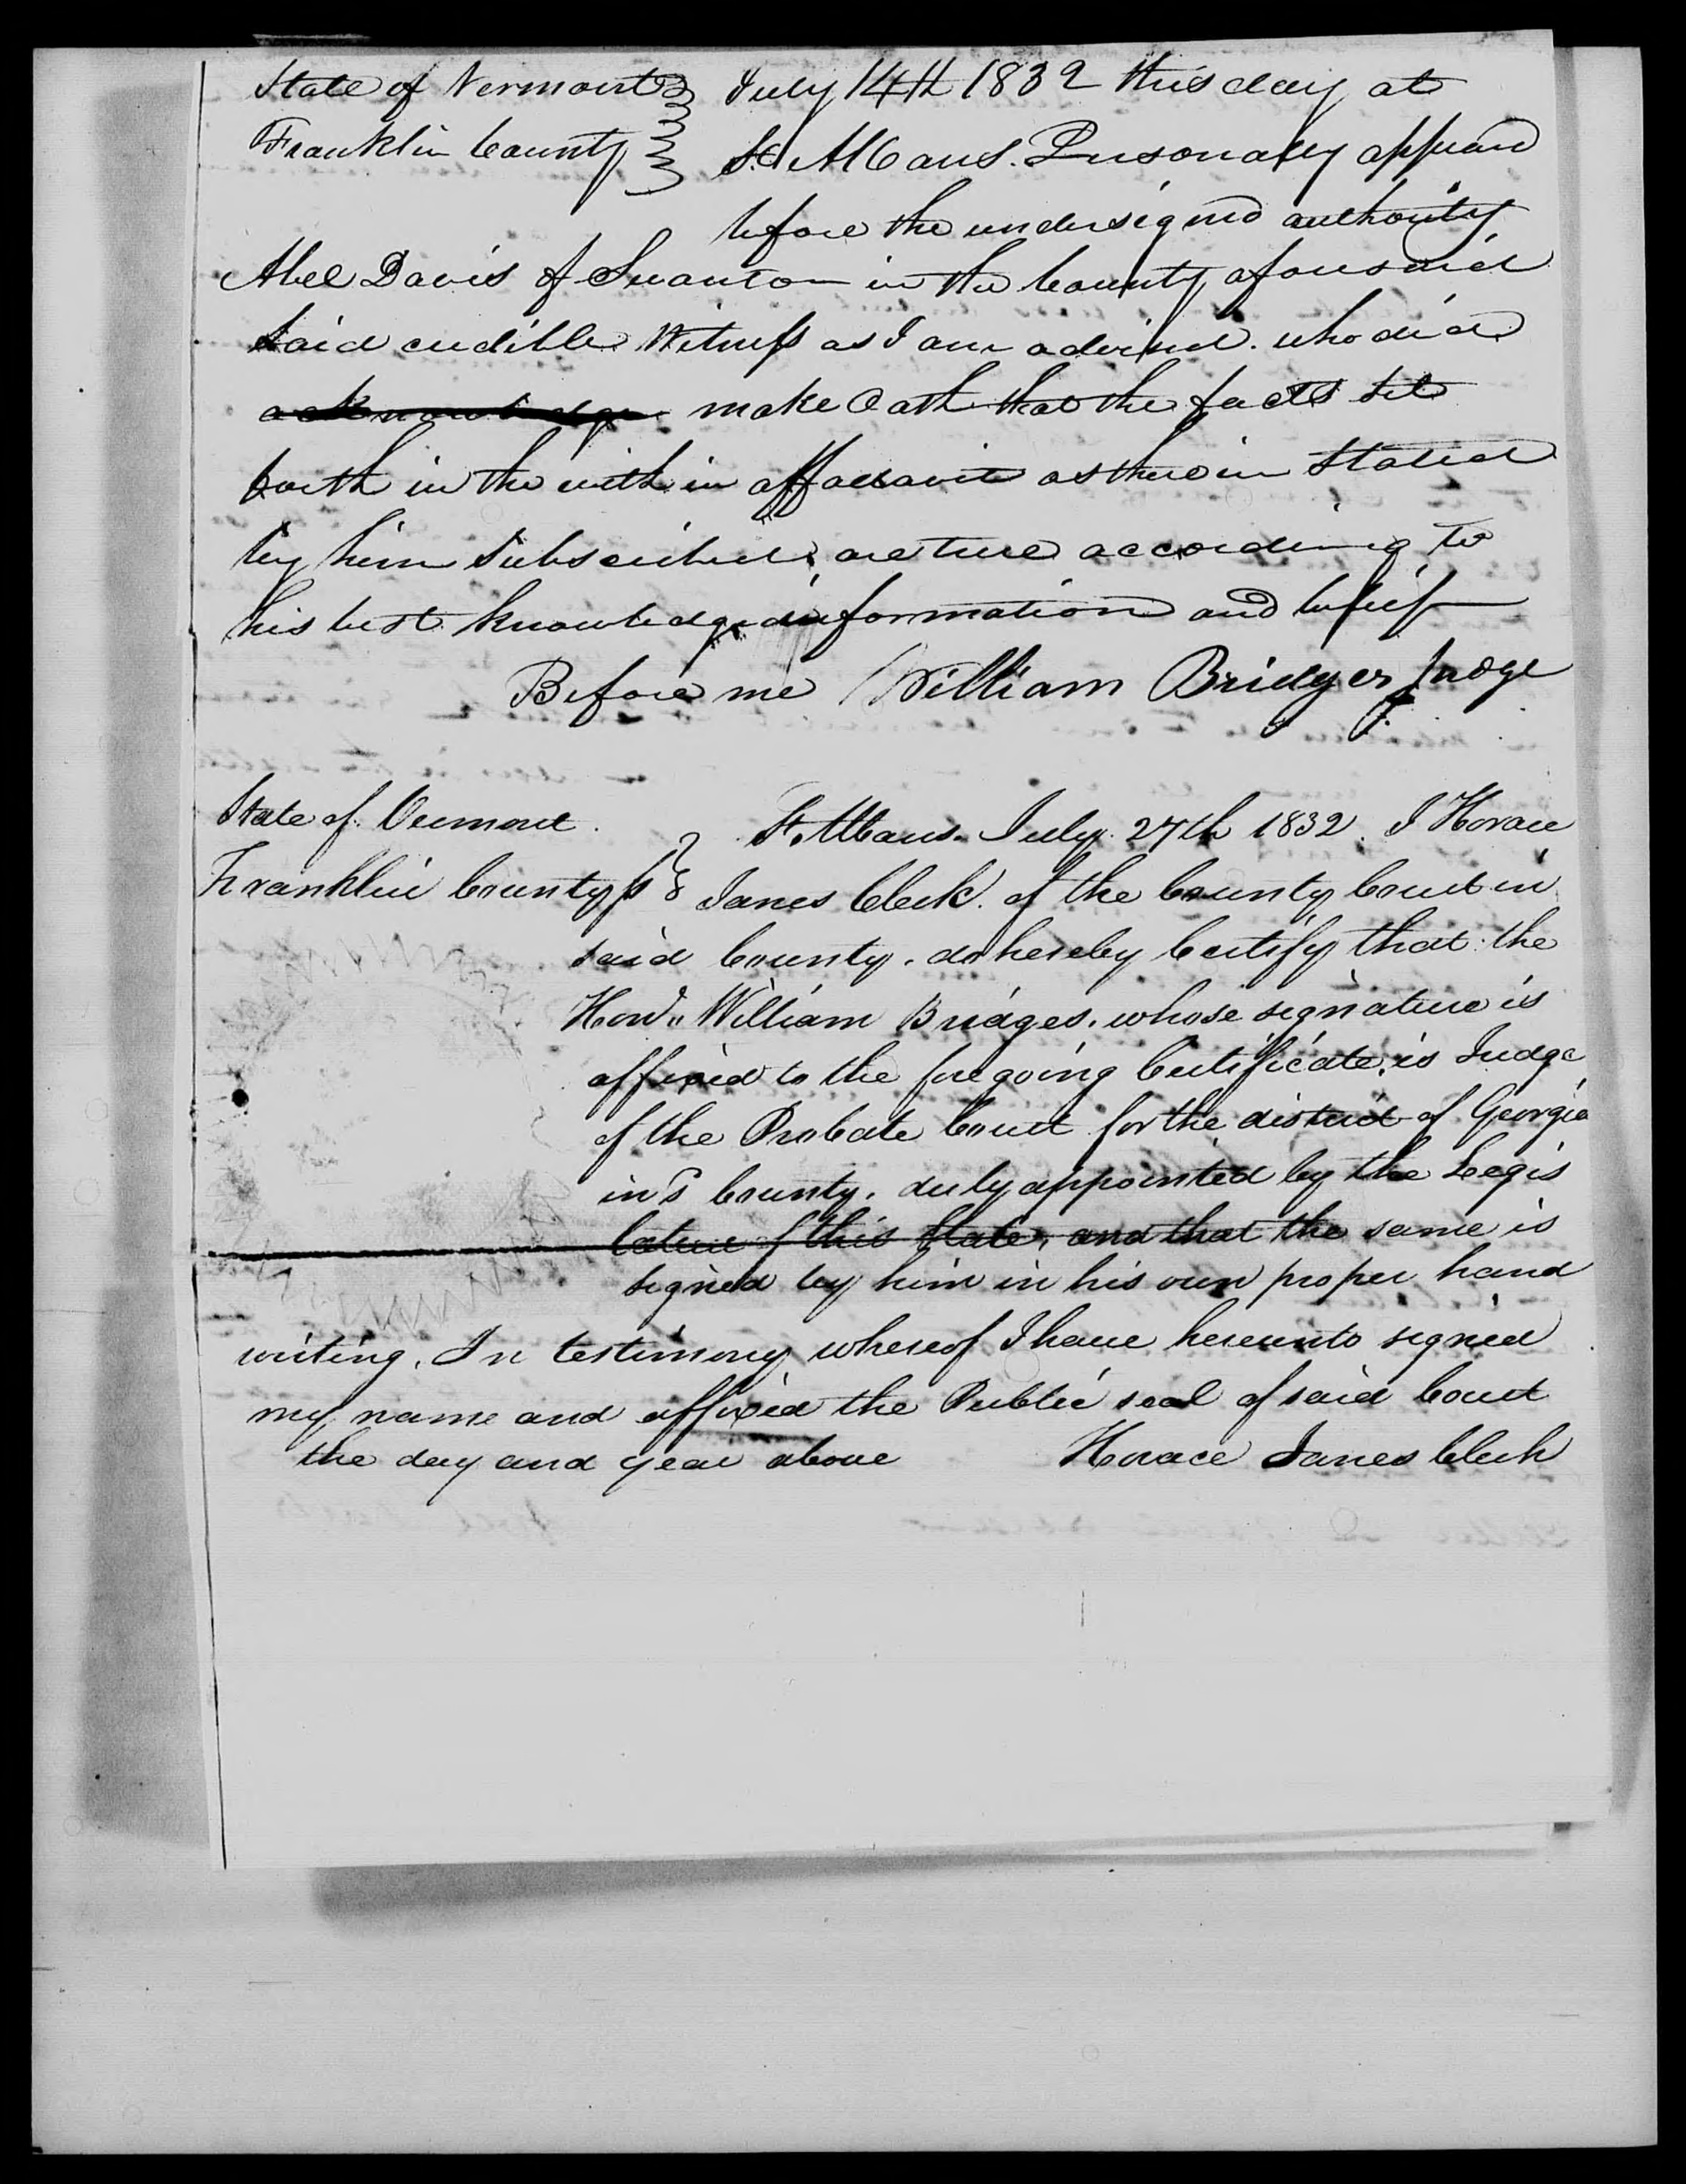State of Vermont  Franklin County ss
July 4th 1832 This day at St. Albans Personally
appeared before the undersigned authority
 Abel Davis of Swanton in the County aforesaid.
Said credible witness as I am advised who did
make oath that the facts set forth in the within
 affidavit as therein stated by him subscribed are true according to his best knowledge information and belief
Before me William Bridges Judge

State of Vermont Franklin County ss 
St. Albans July 27th 1832. 
I Horace Janes Clerk of the County Court in
said County, do hereby Certify that the 
Hon William Bridges, whose signature is
affixed to the foregoing Certificate is Judge
of the Probate Court for the district of Georgia
in s’d County, duly appointed by the Legislature of this State, and that the same is signed by him in his own proper hand writing. In testimony whereof I have hereunto signed
my name and affixed the Public seal of said Court
the day and year above.
Horace Janes Clerk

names: Abel Davis; William Bridges; Horace Janes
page: 43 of 99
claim: widow's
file: W. 24,482, for Richard Lattin, Vermont